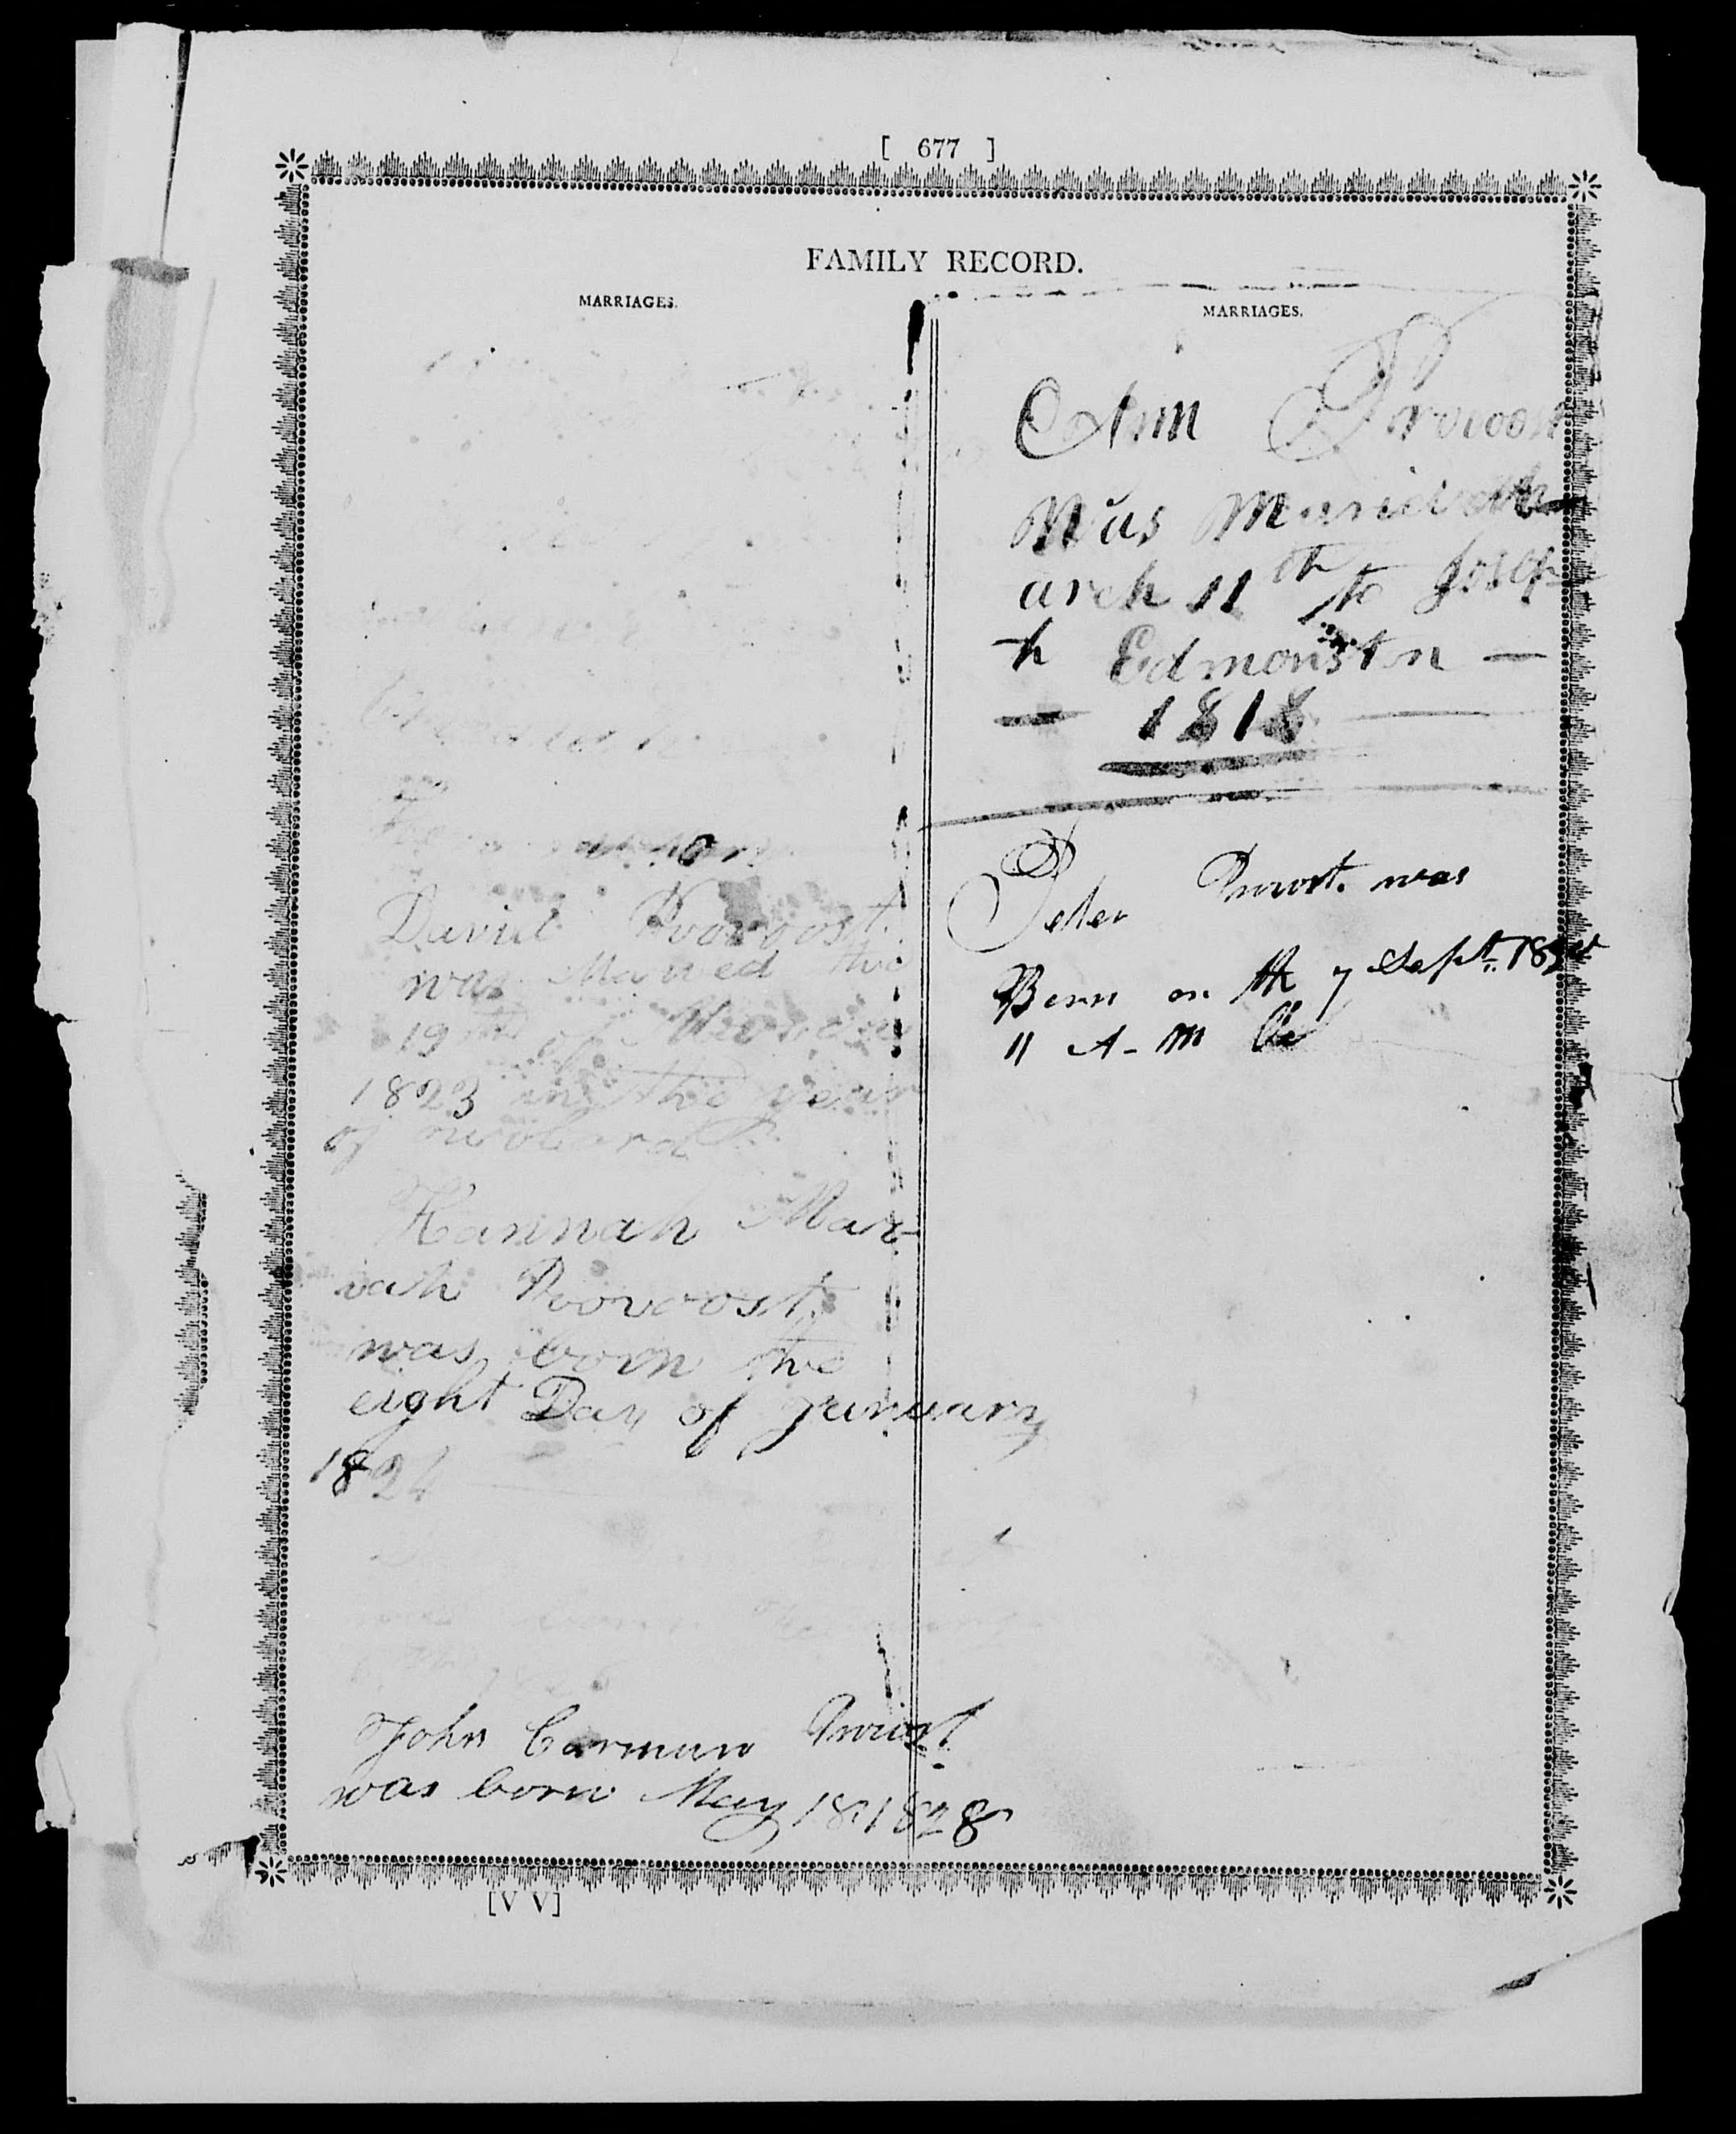Marriages. 
(1st part unreadable) 
David Provoost was married the 19th of March 1823 in the year of our Lord Hannah Mariah Provoost was born the eight Day of January 1824 
John Carman Provoost was born May 18 1828
Marriages. Ann Provoost was married March 11th to Joseph Edmonston 1818 (19?)
Peter Provoost was Born on the 7 Sept 182? 11 am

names: David Provoost; Peter Provost; John Corman; Hannah Mariah Provoost; Ann Provoost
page: 4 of 19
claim: rejected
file: R. 8454, for John Provoost, New Jersey